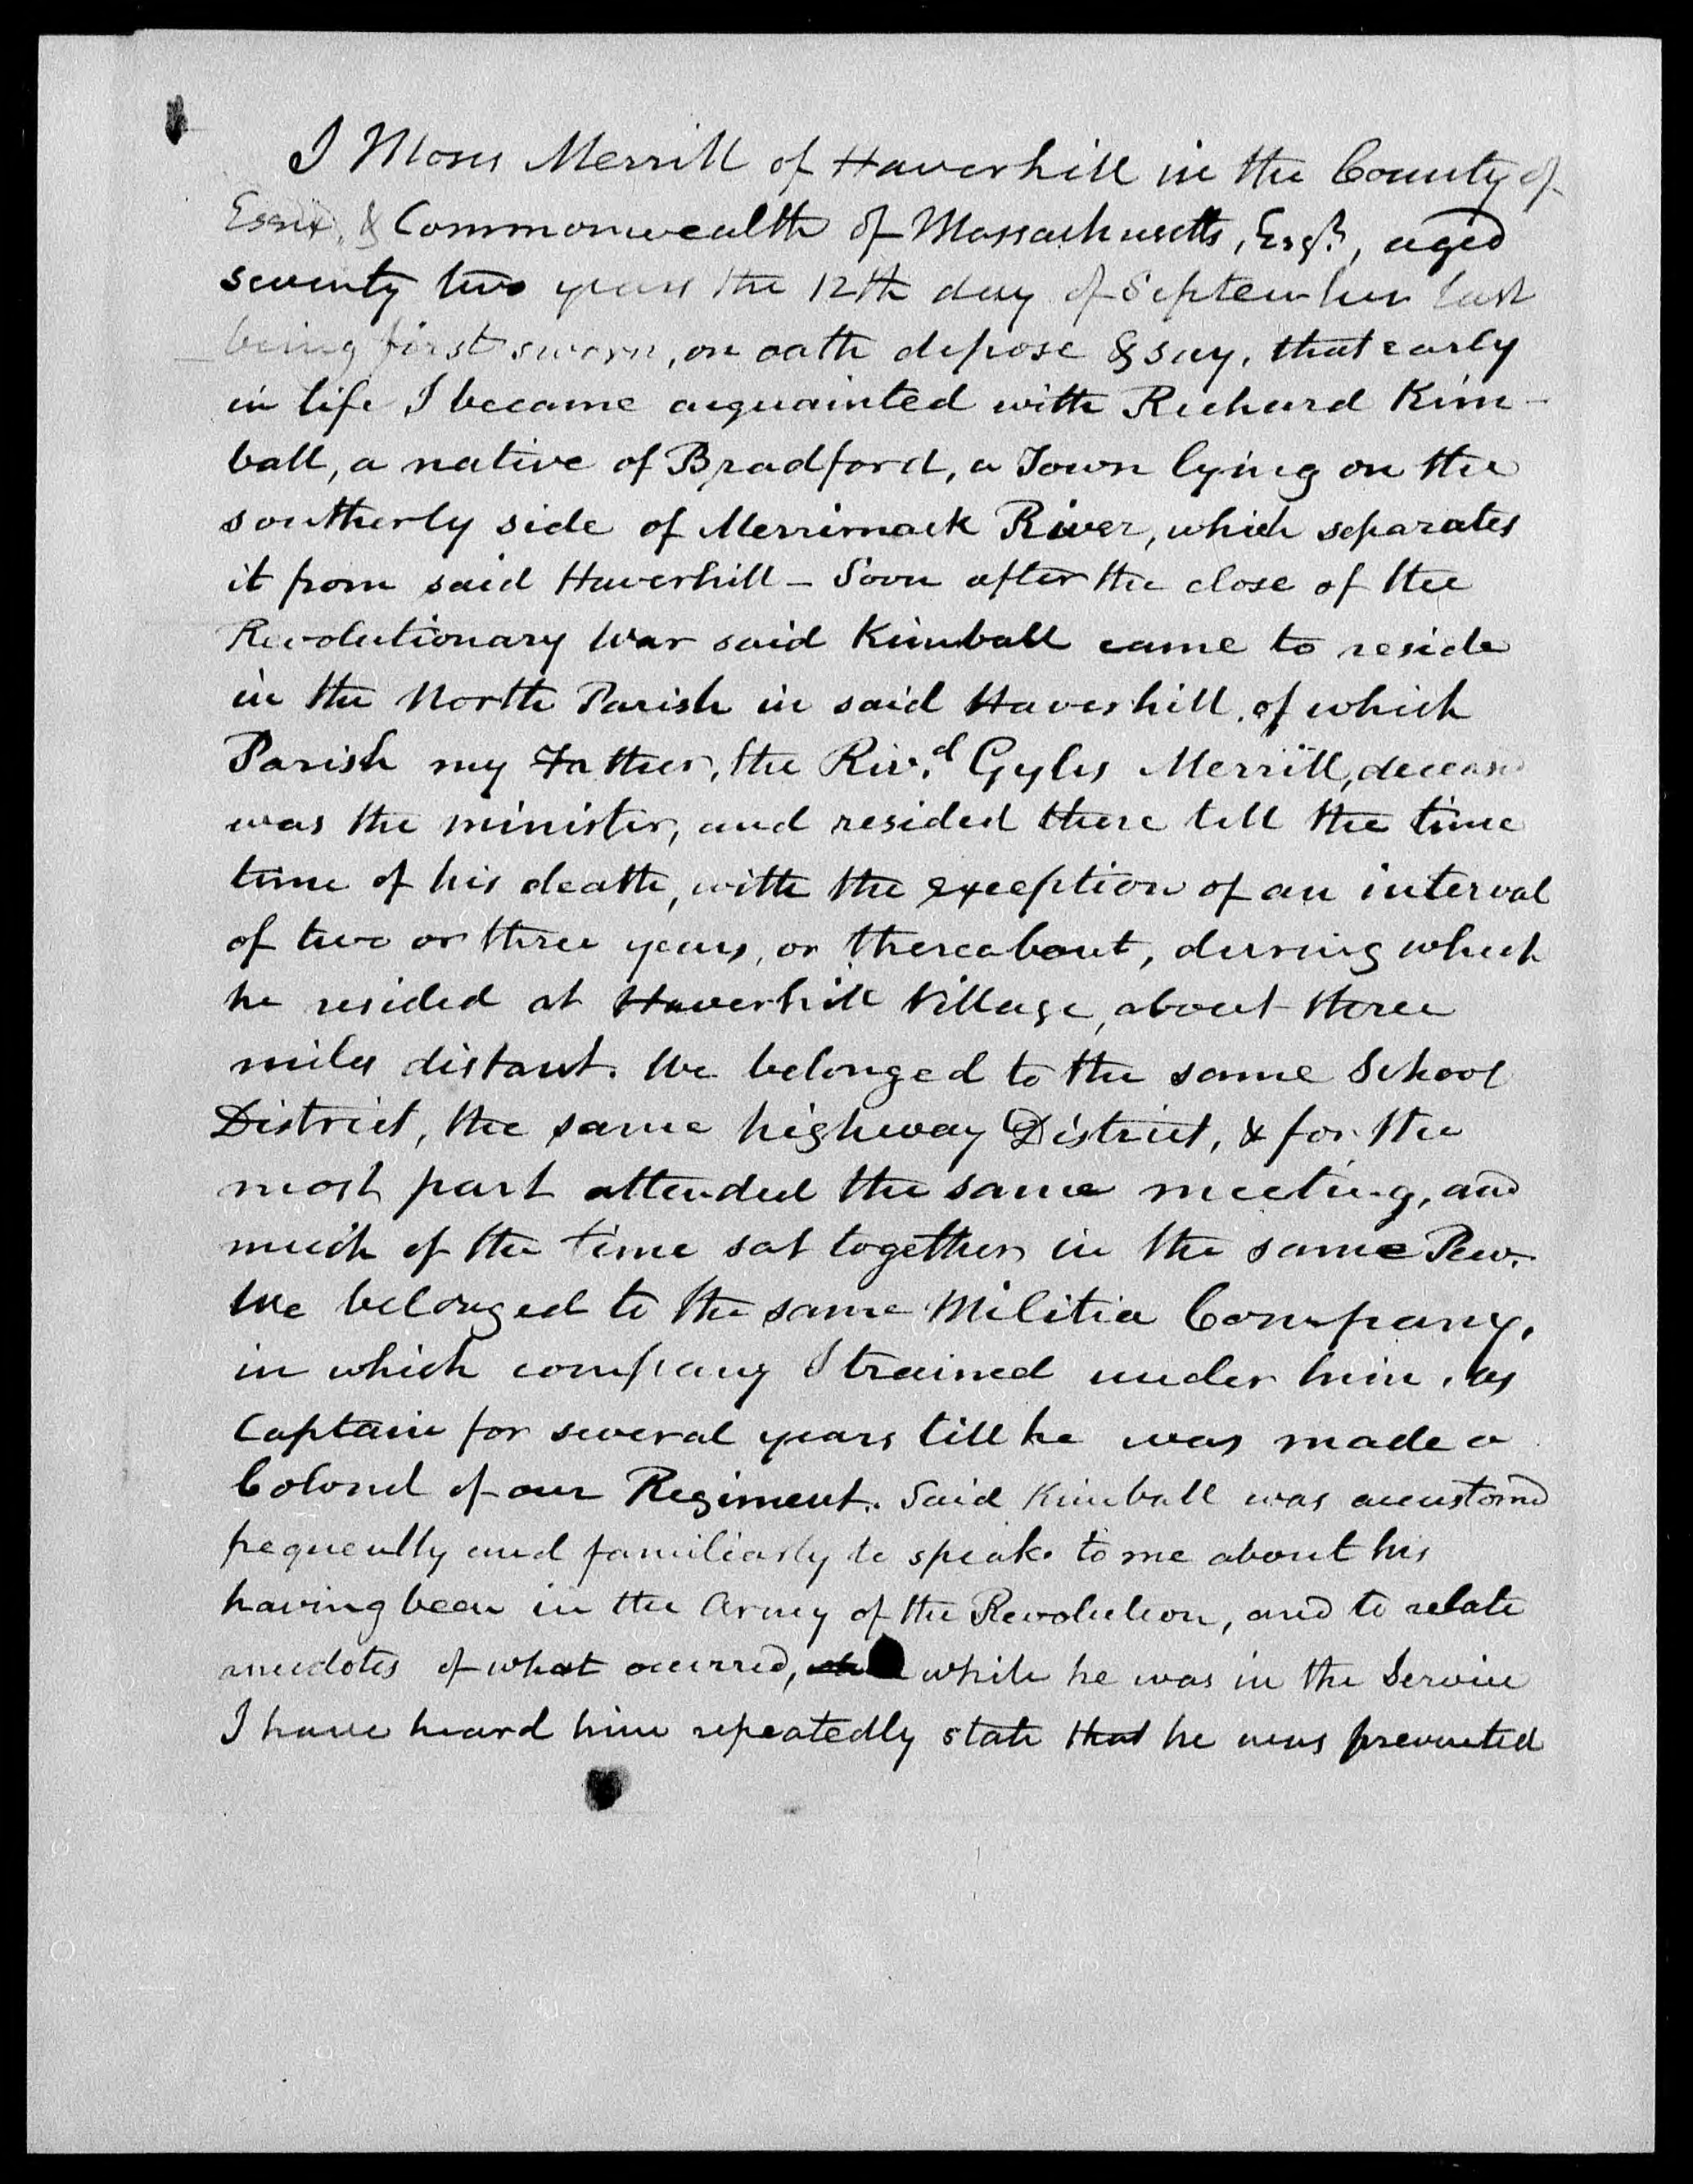I Moses Merill of Haverhill in the County of Essex & Commonwealth of Massachusetts, Esqr, aged seventy two years the 12th day of September last being first sworn, an oath depose & say, that early in life I became acquainted with Richard Kimball, a native of Bradford, a town lying on the southerly side of Merrimack River, which separates it from said Haverhill - soon after the close of the Revolutionary War said Kimball came to reside in the North Parish in said Haverhill of which Parish my father, the Rivd Gyles Merrill, deceased was the minister, and resident there till the time time of his death, with the exception of an interval of two or three years, or thereabout, during which he resided at Haverhill Village, about three miles distant. We belonged to the same school district, the same highway district, & for the most part attended the same meeting, and much of the time sat together in the same pew. We belonged to the same Militia Company, in which company I trained under him, as Captain for several years till he was made a Colonel of our Regiment. Said Kimball was accustomed frequently and familiarly to speak to me about his having been in the army of the Revolution, and to relate anecdotes of what occurred, while he was in the service I have heard him repeatedly state that he was prevented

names: Gyles Merrill; Richard Kimball; Moses Merrill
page: 15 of 29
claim: widow's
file: W. 1779, for Richard Kimball, Massachusetts